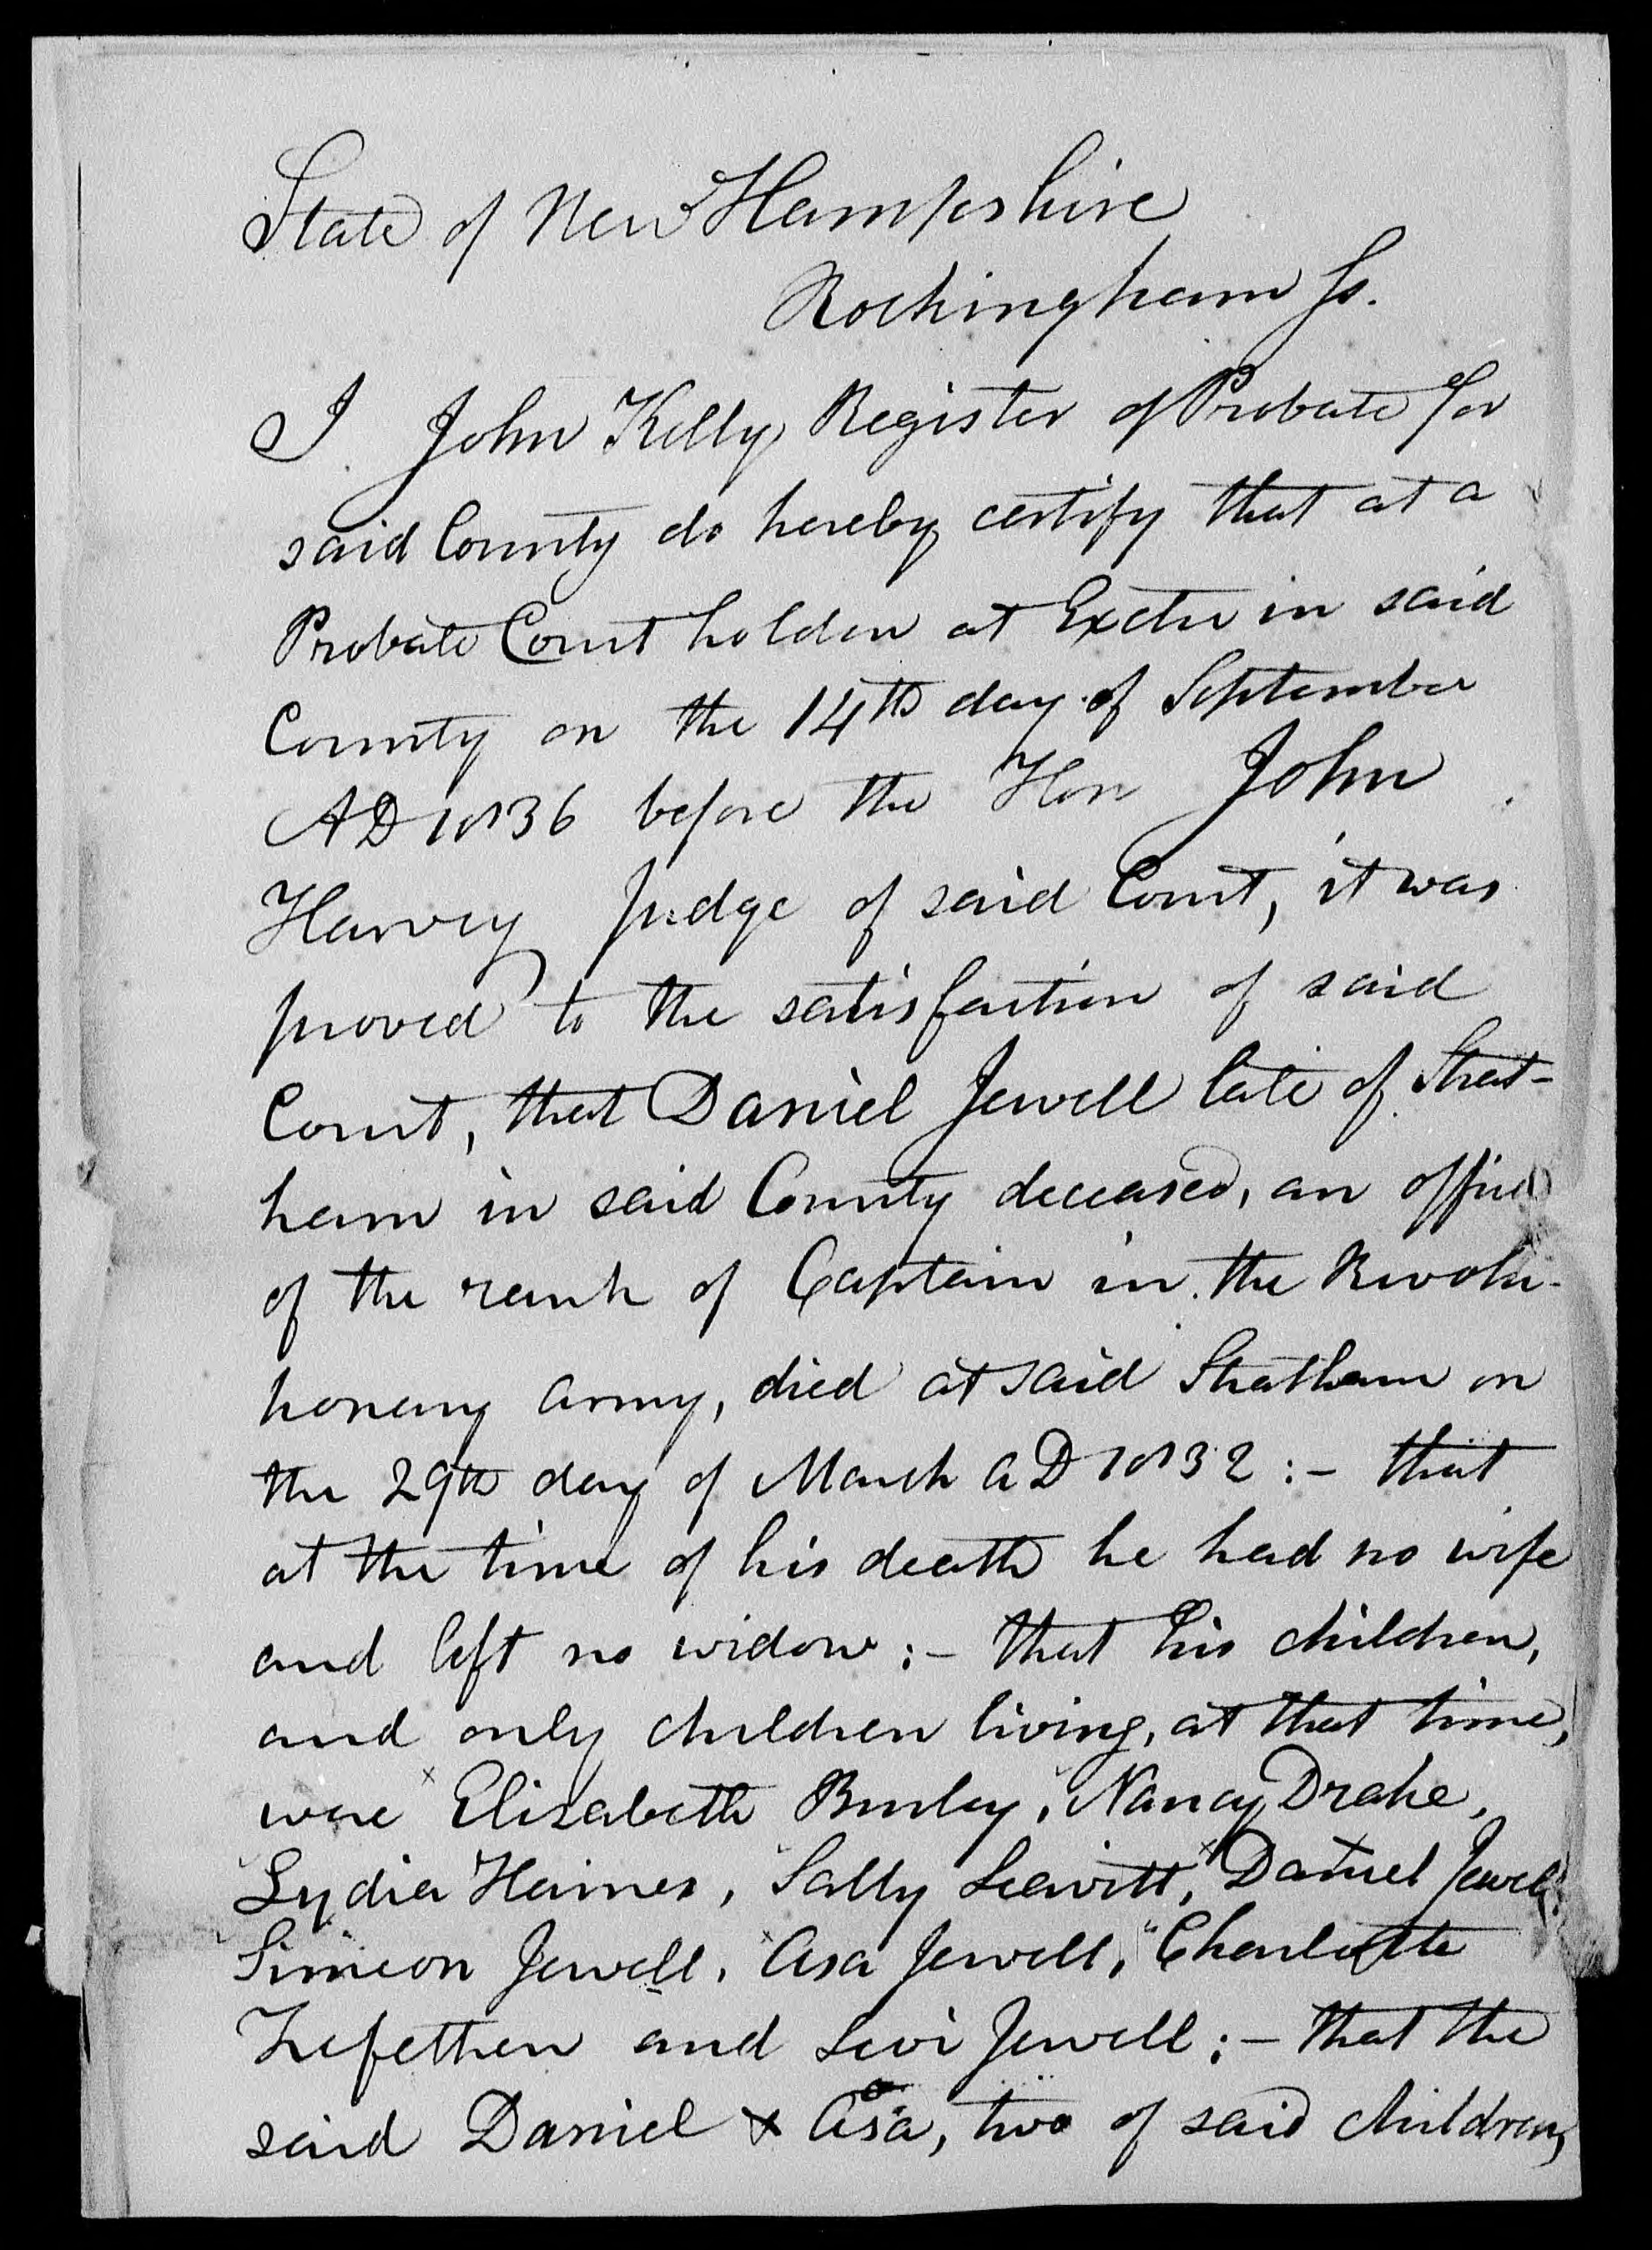State of New Hampshire
Rockingham ss.
I John Kelly Register of Probate for said County do hereby certify that at a Probate Court holden at Exeter in said County on the 14th day of September A D 1836 before the Hon [HONORABLE] John Harvey Judge of said Court, it was proved to the satisfaction of said Court, that Daniel Jewell late of Stratham in said County deceased, an officer of the rank of Captain in the Revolutionary army, died at said Stratham on the 29th day of March AD 1832:- that at the time of his death he had no wife and left no widow: that his children and only children living, at that time, were Elizabeth Burley, Nancy Drake, Lydia Haines, Sally Leavitt, Daniel Jewel, Simeon Jewell, Asa Jewell, Charlotte Trefethen and Levi Jewell: - that the said Daniel & Asa, two of said children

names: Elizabeth Burley; Charlotte Trefethen; Lydia Haines; Simeon Jewell; Nancy Drake; John Kelly; Asa Jewell; Daniel Jewell; John Harvey; Sally Leavitt; Levi Jewell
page: 9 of 35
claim: survivor's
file: S. 10912, for Daniel Jewell, New Hampshire